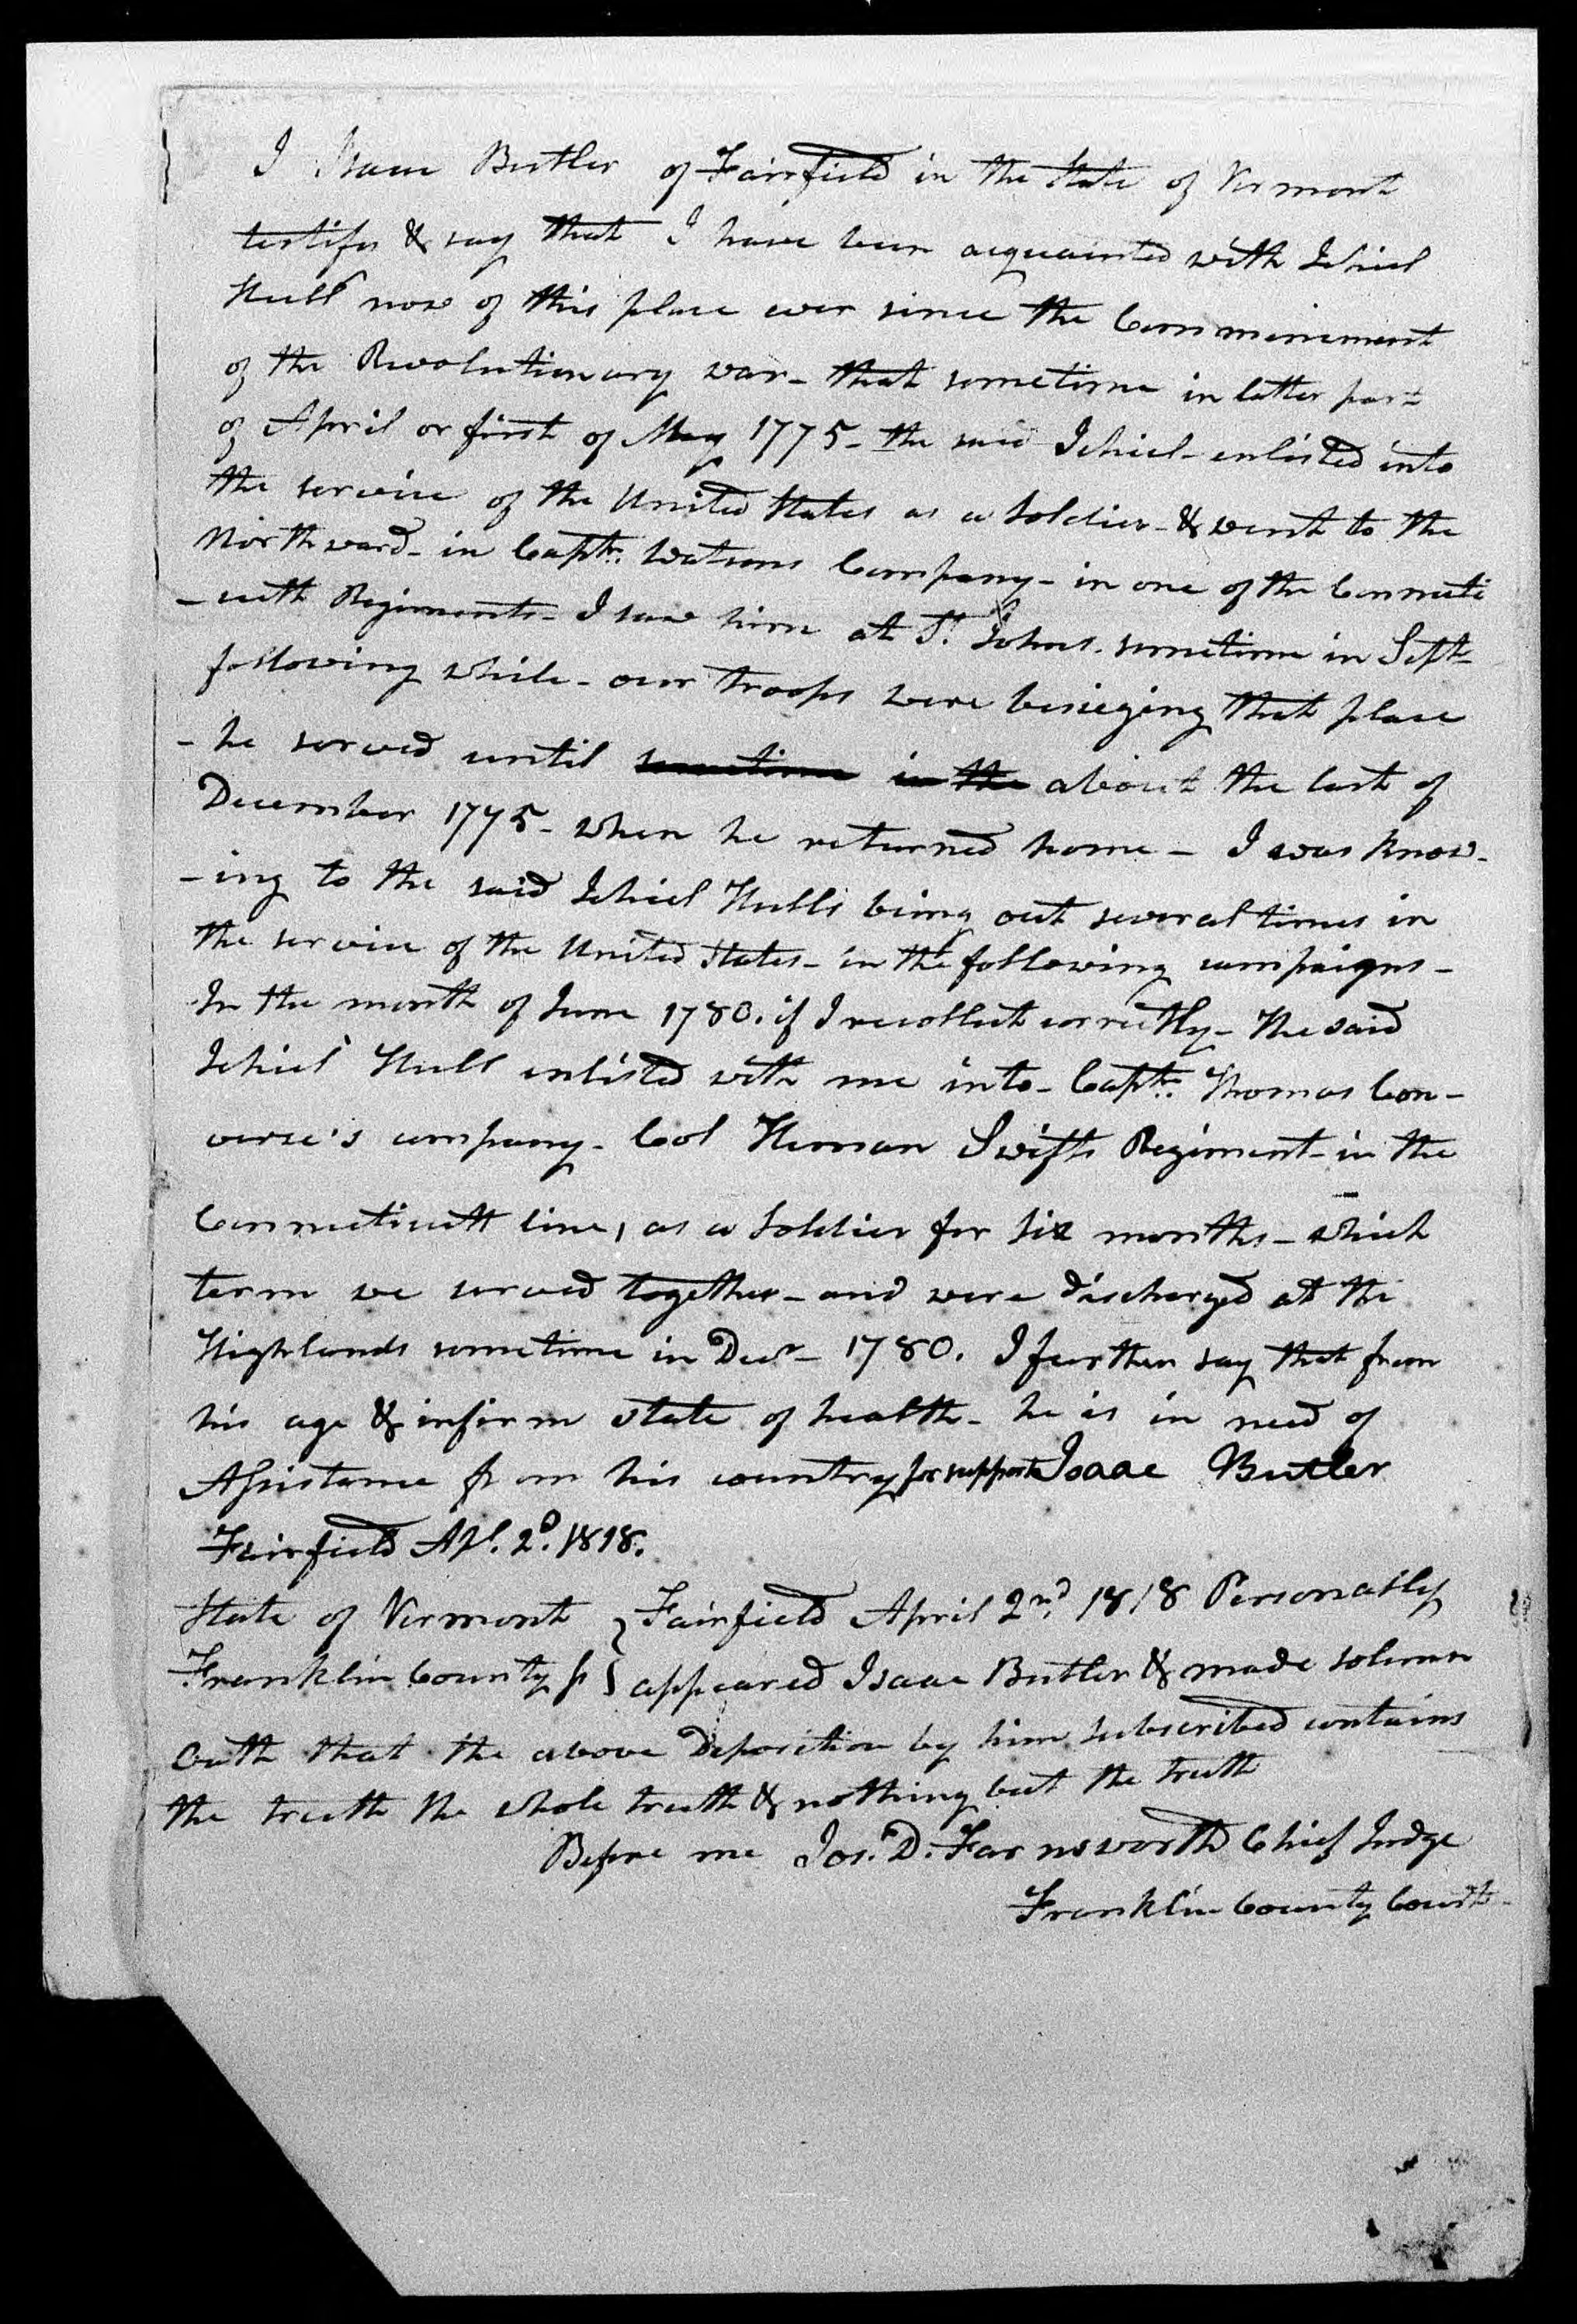I Isaac Butler of Fairfield in the state of Vermont certifies that I have been acquainted with Jehiel Hull was of this ILLEGIBLE  war since the commensement of the Revolutionary war. That sometime in latter first of April or first of May 1775 the said Jehiel enlisted into the service of the United States as a soldier of ILLEGIBLE to the ninth ward in Capt Watsons Company - in one of the ILLEGIBLE with regiment I saw him at St Johns sometime in Sept following which our troops were bringing that ILLEGIBLE secured until ------- about the last of December 1775. When he returned home- i was ILLEGIBLE to the said which Hull bring out several at times in the service of the United States in the following ILLEGIBLE In themonth of June 1780 if i remembered correctly . The said Jehiel Hull enlisted with me intpo Capt. Thomas Courre's company Last ILLEGIBLE ILLEHIBLE Regiment in the Connecticut lines as a Soldier for six months - which term we served together - and were discharged at the Highlands sometime in Dec 1780. I further say that from his age of ILLEGIBLE state of health he is in need of ILLEGIBLE of m his country In support Isaac Butler Fairfield Apl 2 1818
State of Vermont Fairfield April 2nd 1818 Personally Franklin county } appeared Isaac Butler of made solemn with that the above information by him wherescribed into the truth the whole truth as nothing but the truth 
Before me Jos D Farworth cheif judge Franklin county govt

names: Jehiel Hull, Isaac Butler, Jos D Farnsworth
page: 39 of 58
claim: widow's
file: W. 25813, Jehiel Hull, Conn.